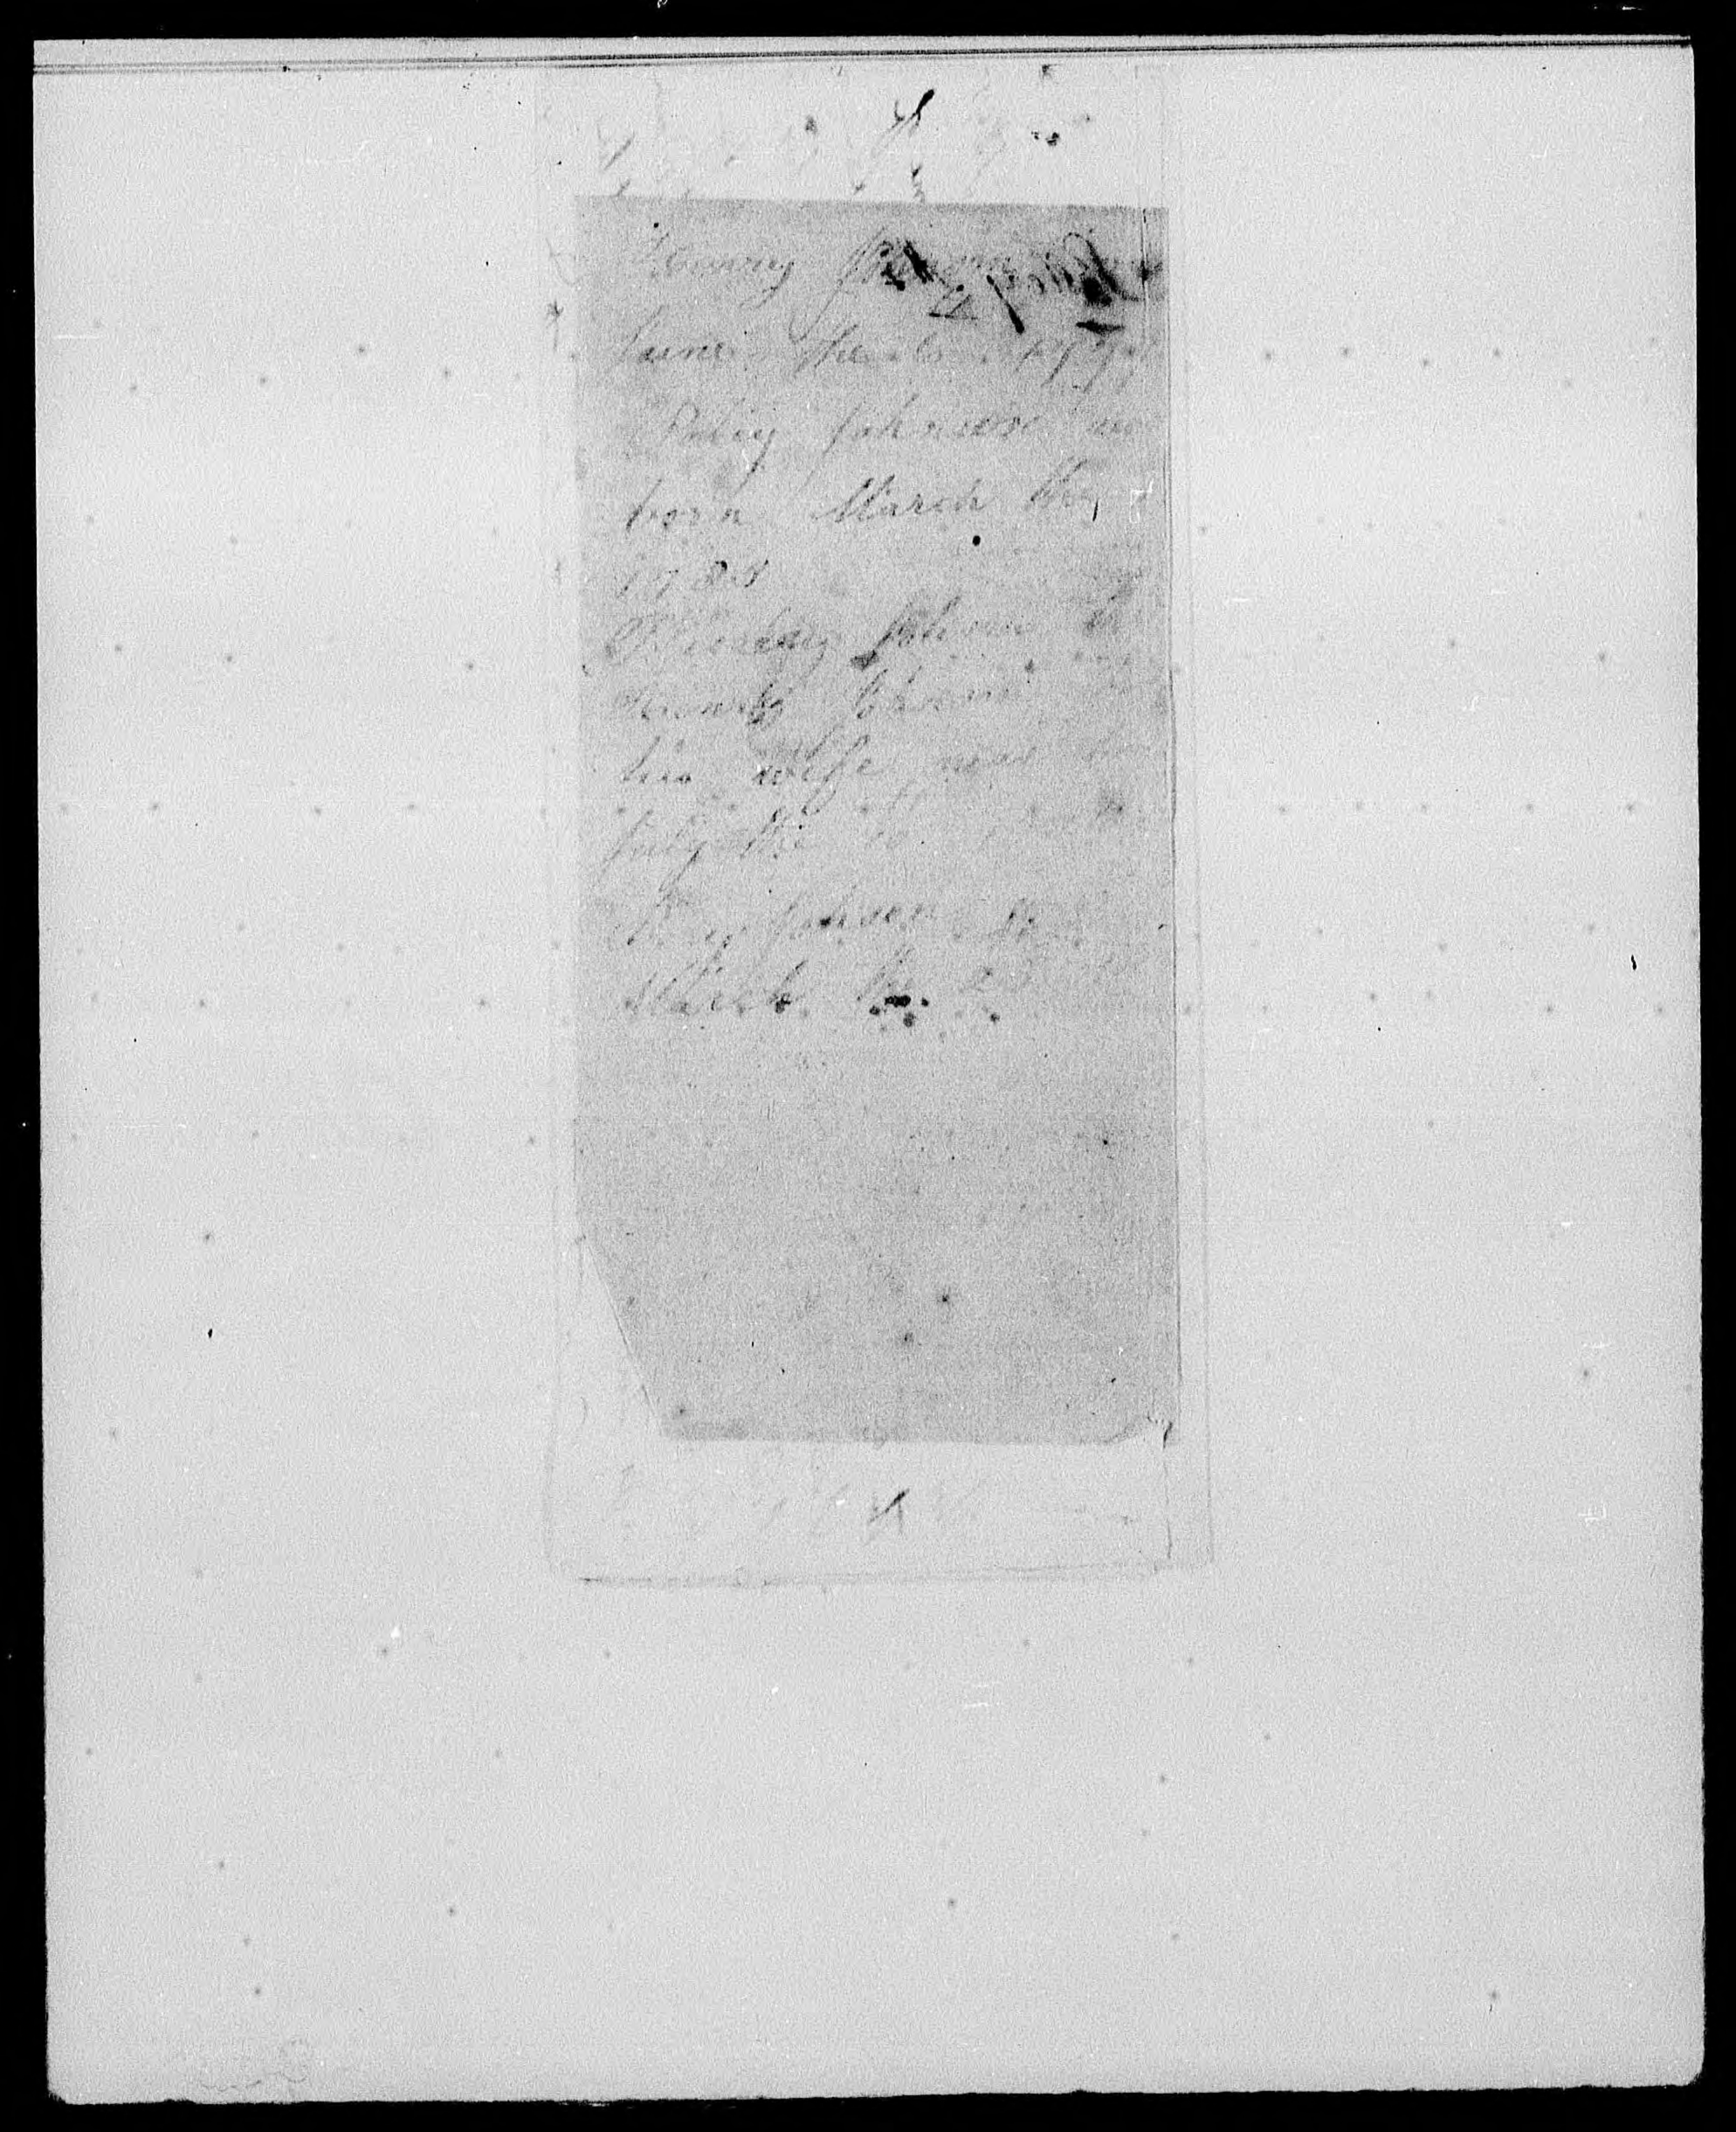Henry Johnson
June the 6 1779
Riley Johnson was born March 11 1925
[unreadable] Johnson 
[unreadable] Johnson
His wife was born July [unreadable]
Nancy Johnson [unreadable]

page: 7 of 74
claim: rejected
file: R. 5600, for Abel Johnson, North Carolina